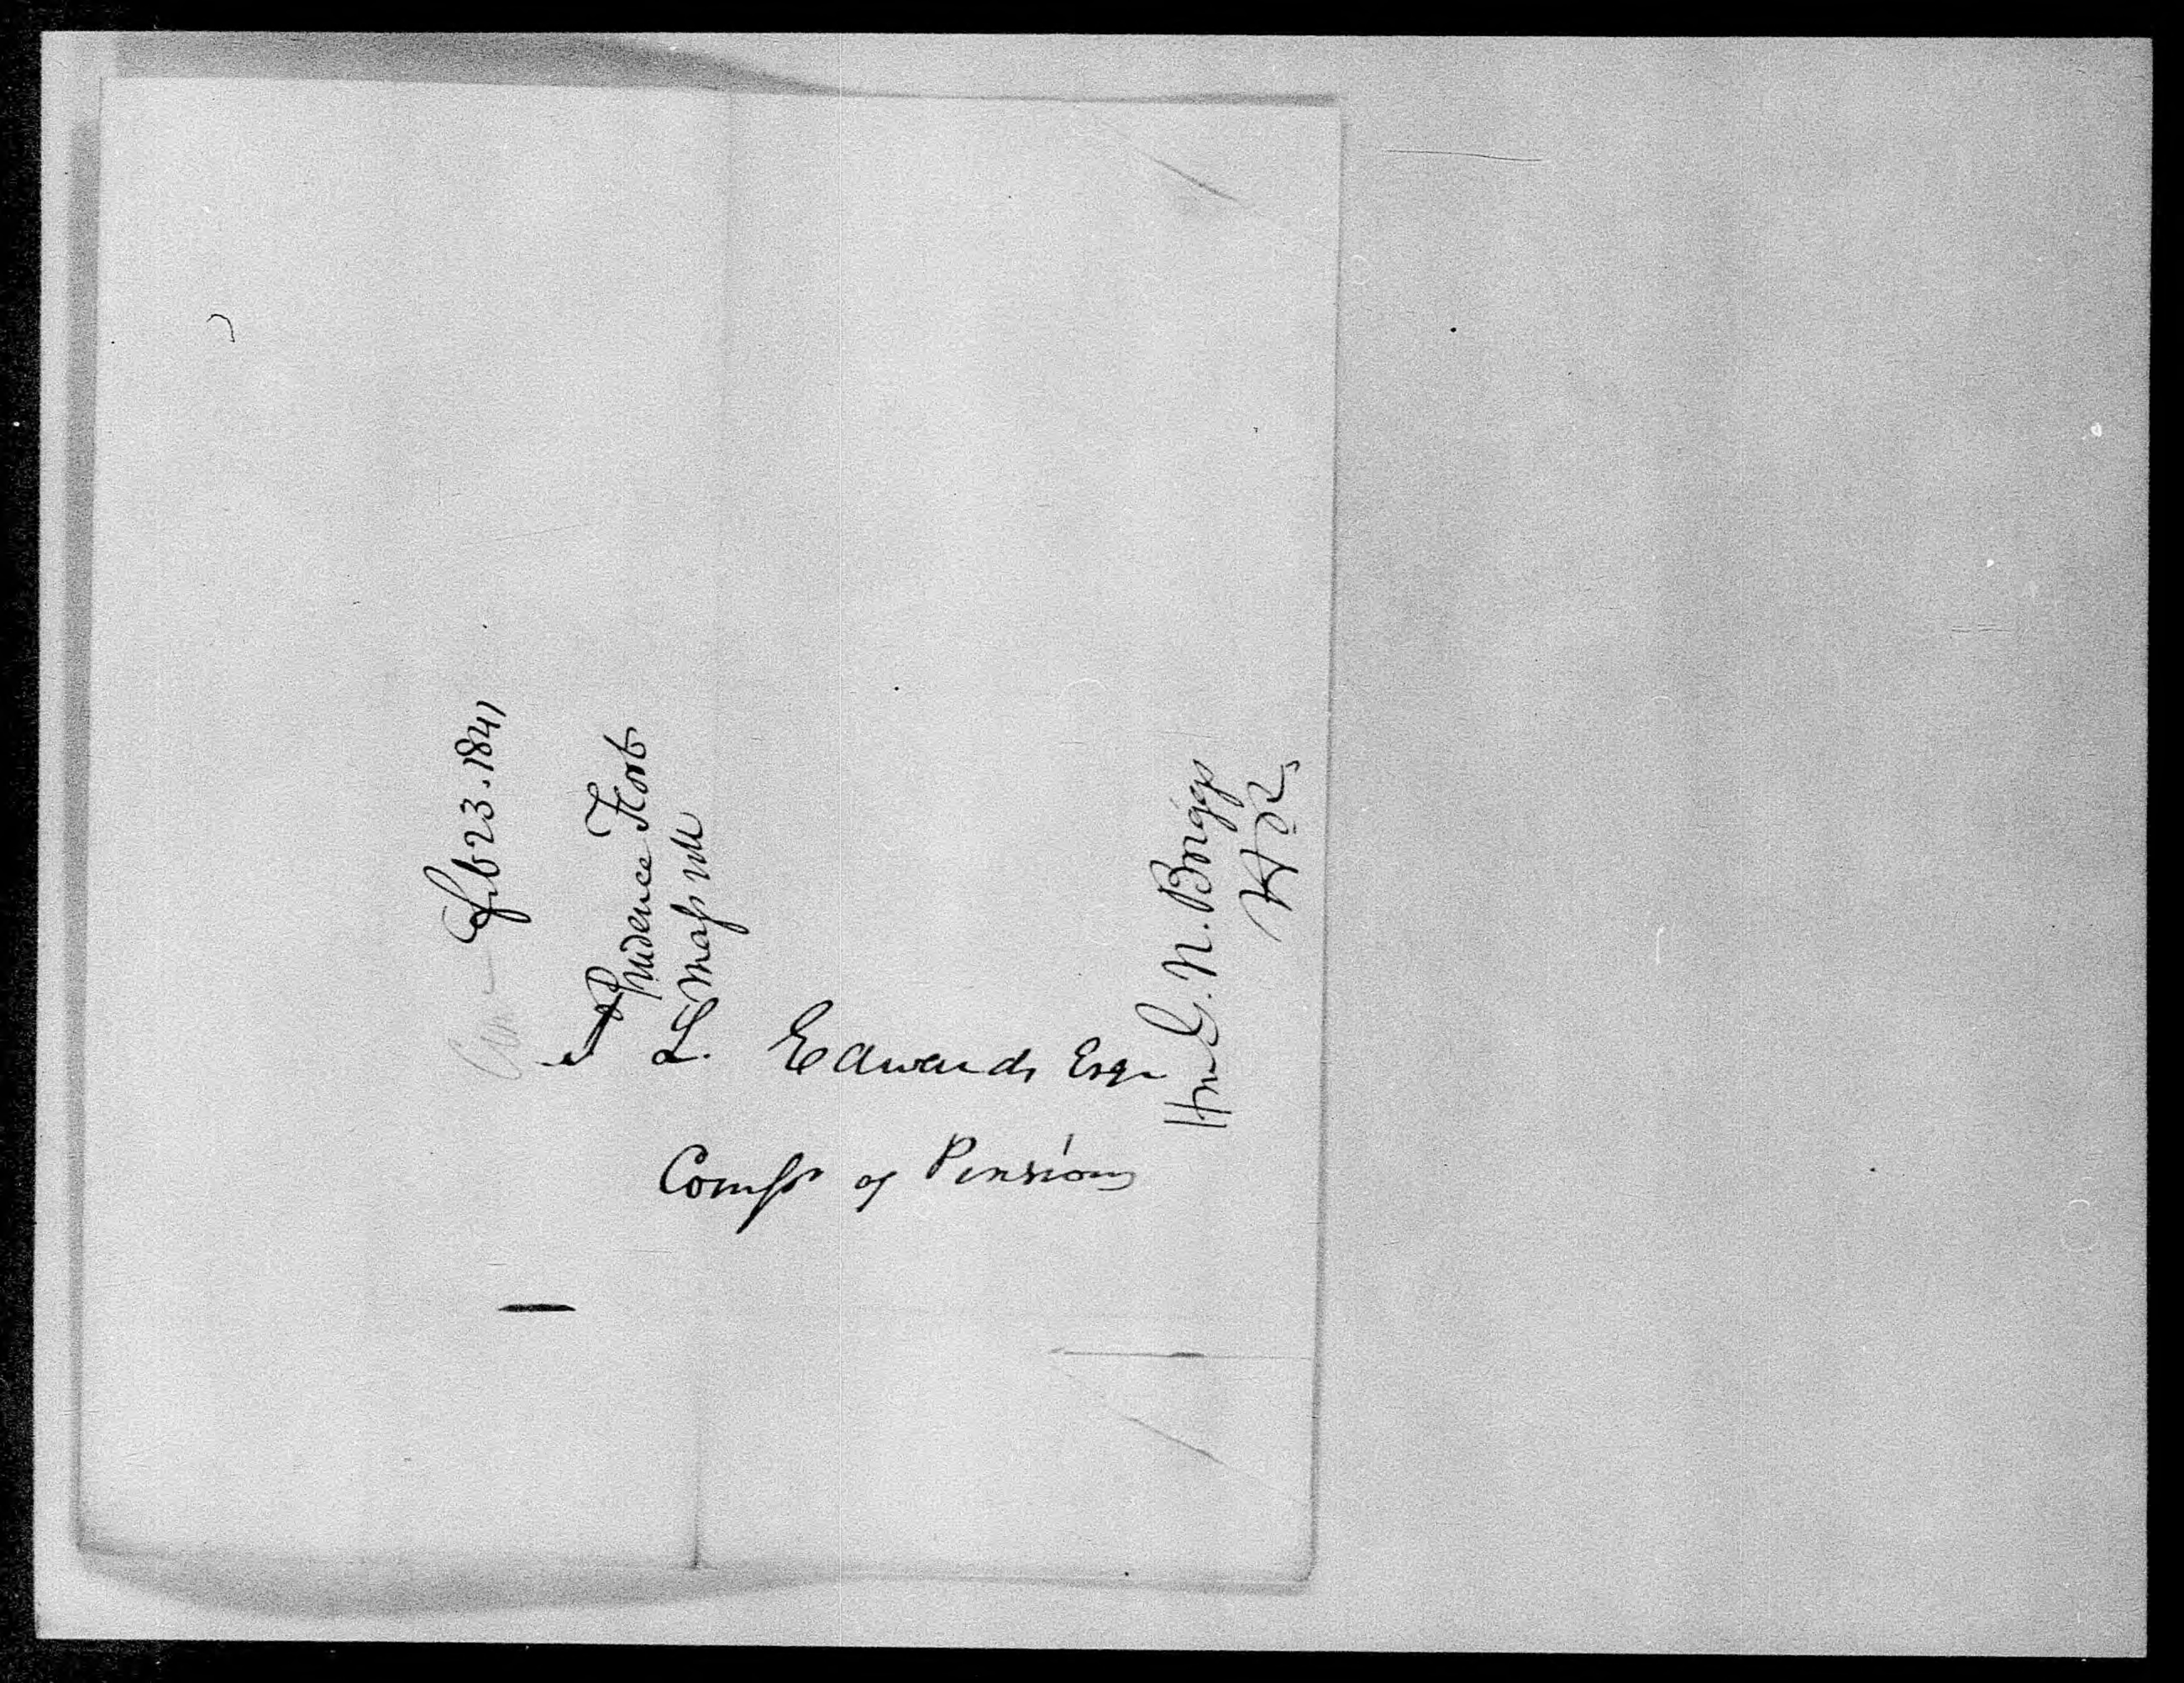feb 23, 1841

Prudence Foot 
Massut

J. L. Edwards Esqr
Comssr of Pensions

Hon G. N Briggs
H.R.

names: J L Edwards; G N Briggs; Prudence Foot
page: 46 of 60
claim: widow's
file: W. 14,036, for James Knowles, Connecticut